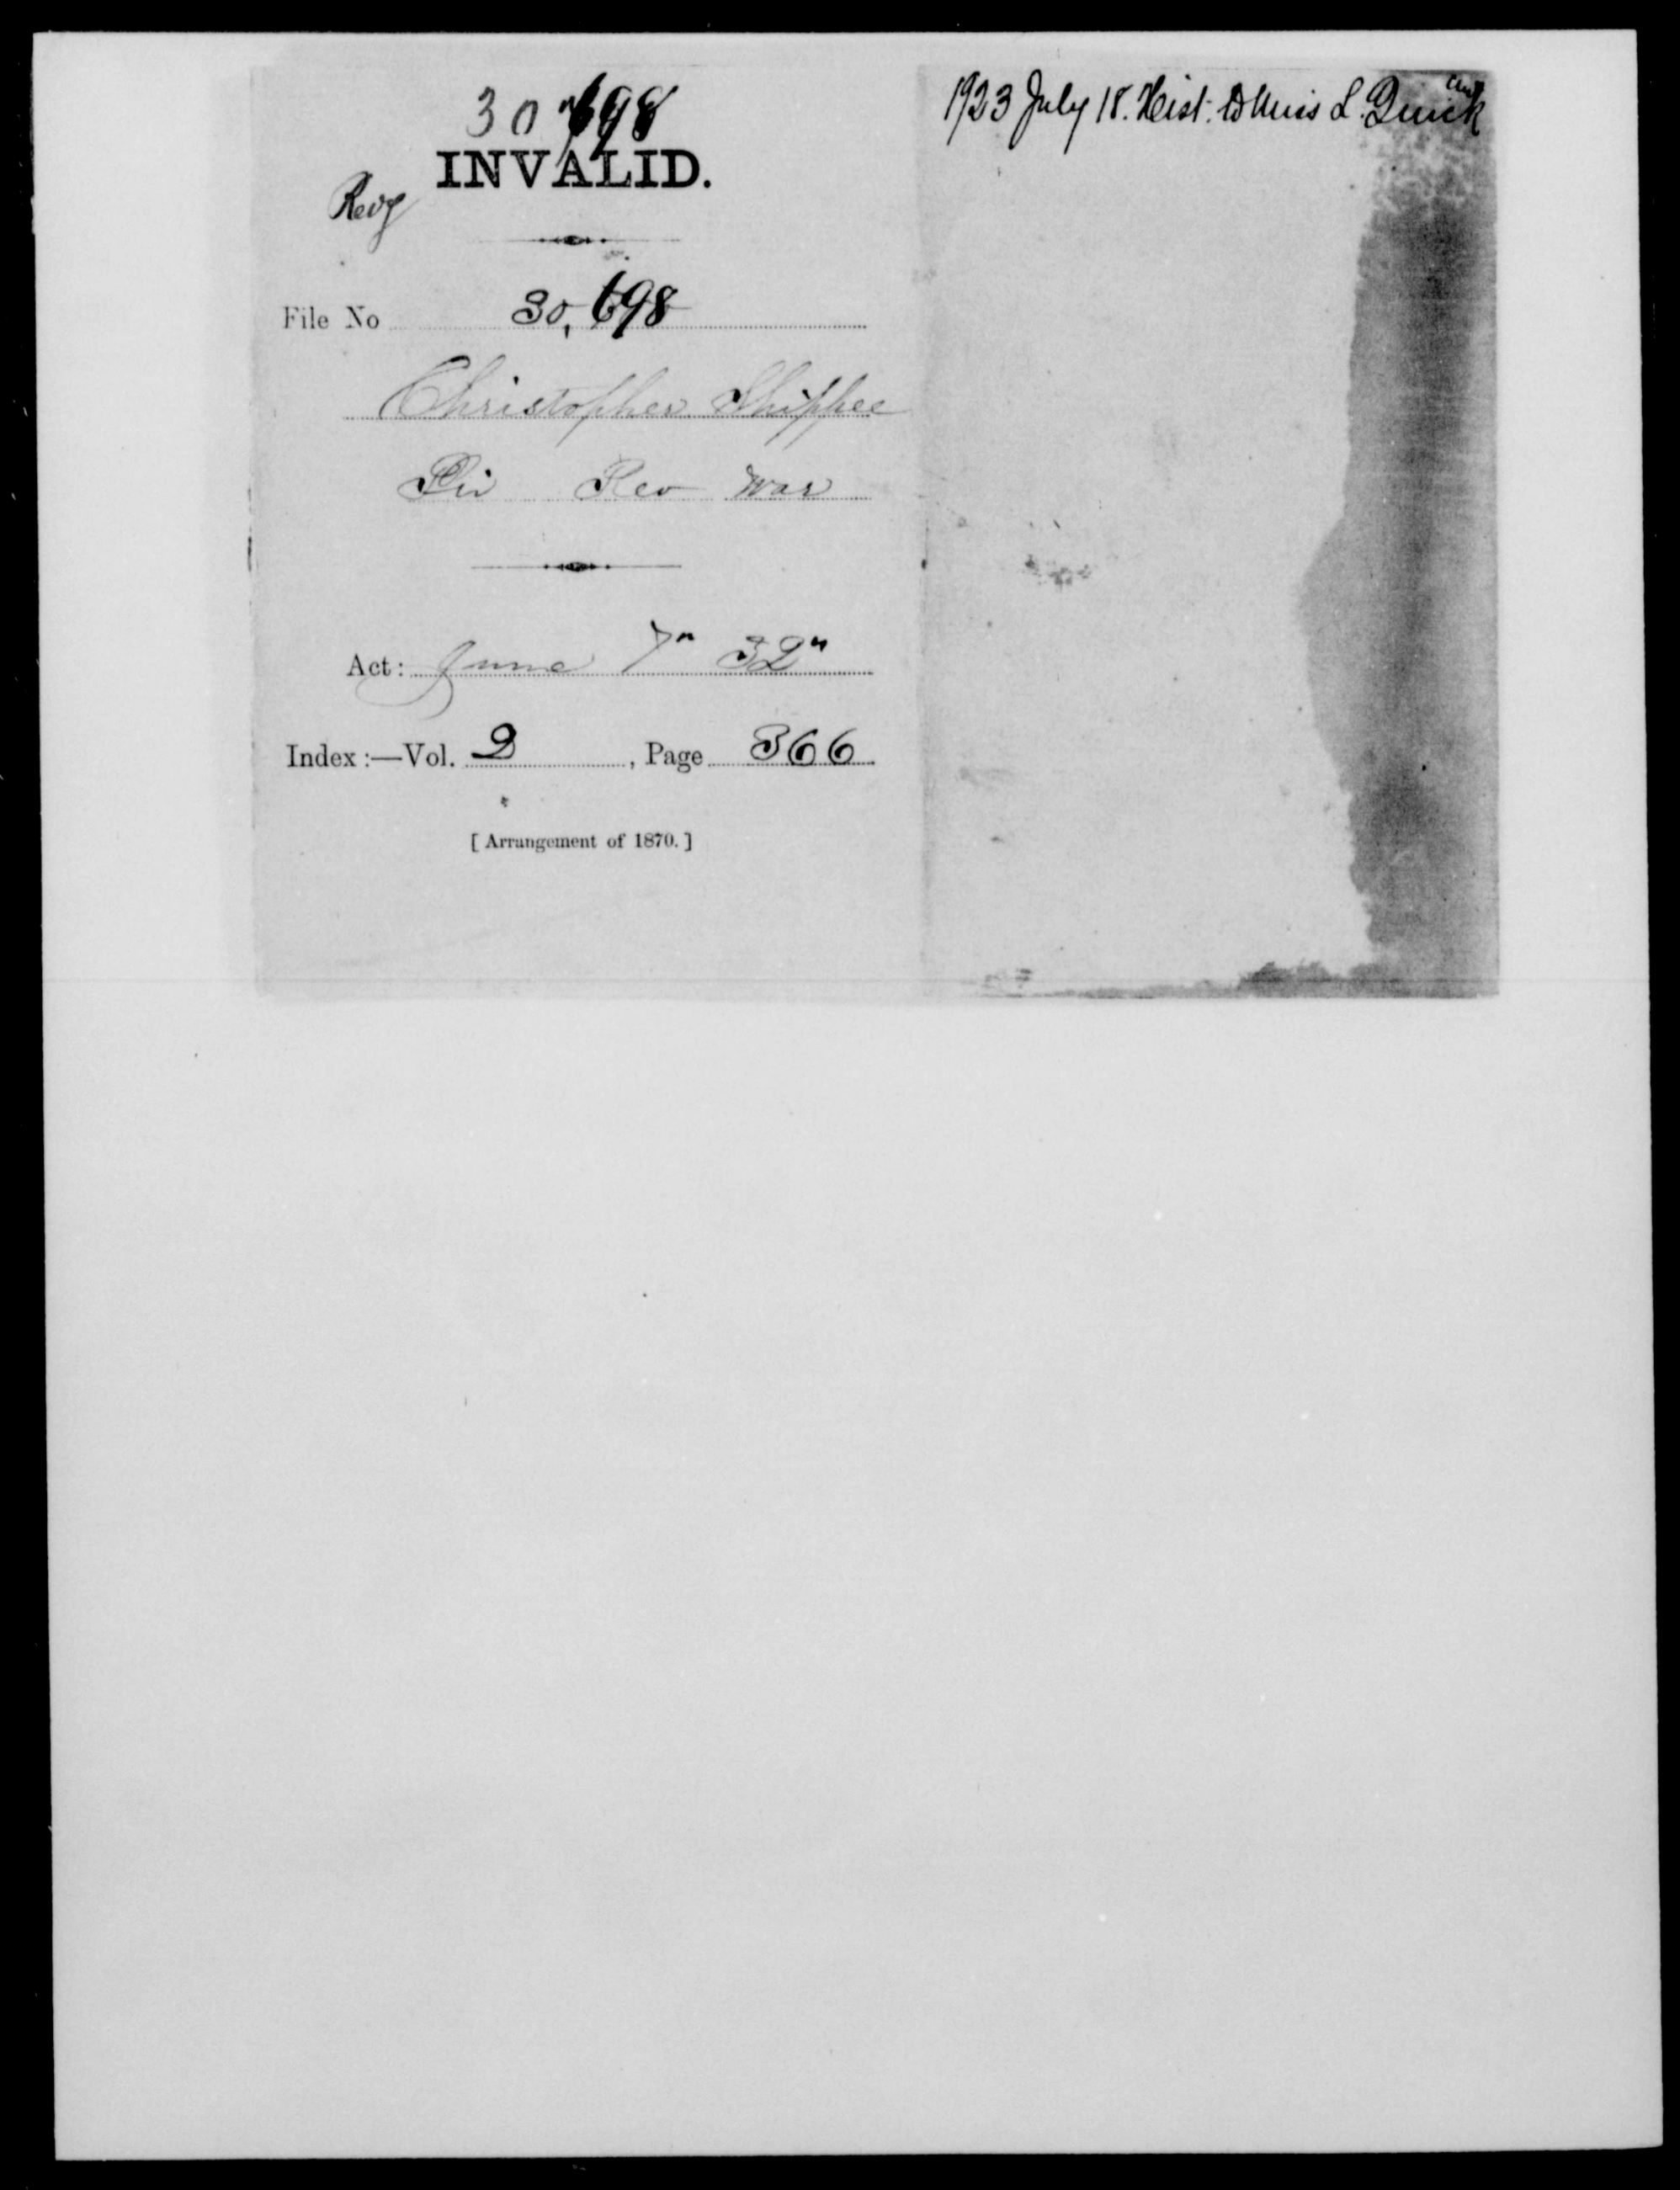30698
INVALID.
---

File No 30.698
Christopher Shippee
Liv Rev War
Act: June 7 32
Index: -- Vol. 2, Page 366
Arrangement of 1870
1923 July 18 Hist. [illegible] L. Quick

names: Christopher Shippee; L Quick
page: 11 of 20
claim: survivor's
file: S. 30,698, for Christopher Shippee, Rhode Island